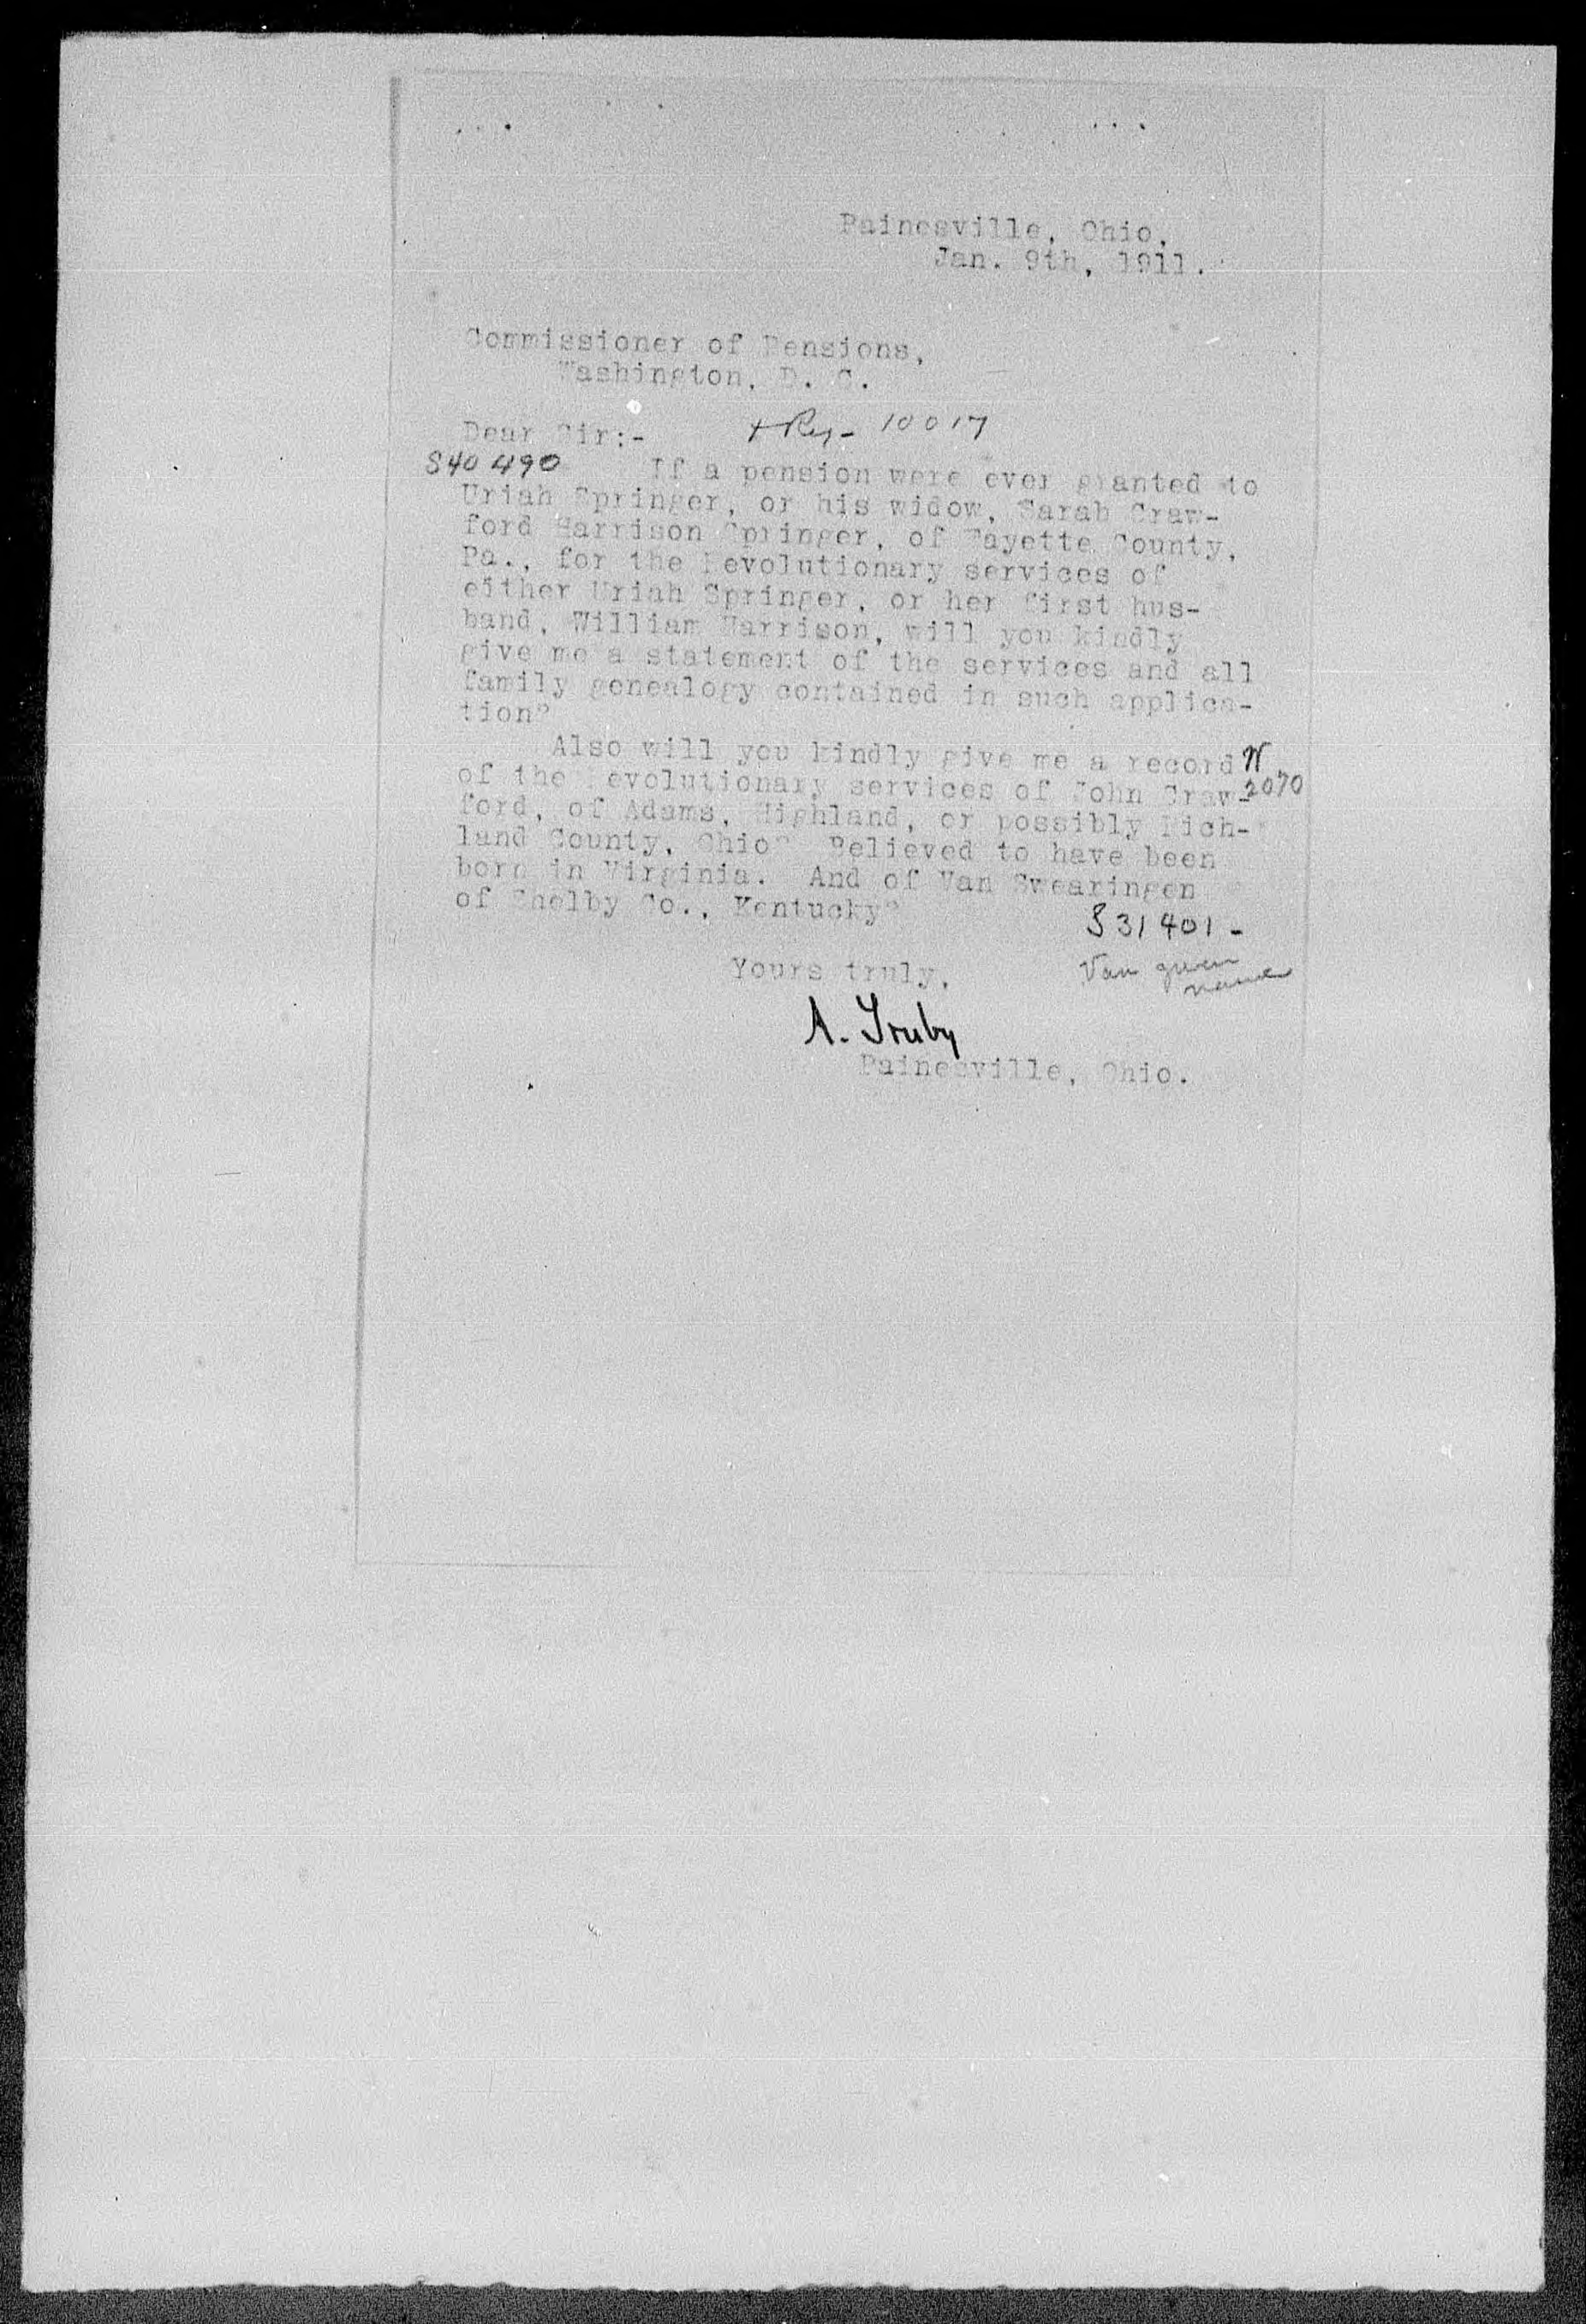Painesville, Ohio
Jan. 9, 1911

Commissioner of Pensions
Washington D.C.
Dear Sir:  R. 10017 840490
If a pension were ever granted to Uriah Springer or his widow, Sarah Crawford Harrison Springer, of Fayette County Pa., for the Revolutionary services of either Uriah Springer, or her first husband, William Harrison, will you kindly give me a statement of the services and all
family genealogy contained in such application

Also will you kindly give me a record of the evolutionary services of John Crawford W2070, of Adams, Highland, or possibly Richland County, Ohio believed to have been born in Virginia, and of Van Swearingen of Shelby Co. Kentucky   S314401 Van Given name

Yours Truly 
A. Truby
Painesville Ohio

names: Harrison Springer, William Harrison, Uriah Springer, Sarah Crawford, John Crawford, A Truby, Uriah Springer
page: 67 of 80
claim: widow's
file: W 2070, John Crawford, Penn.